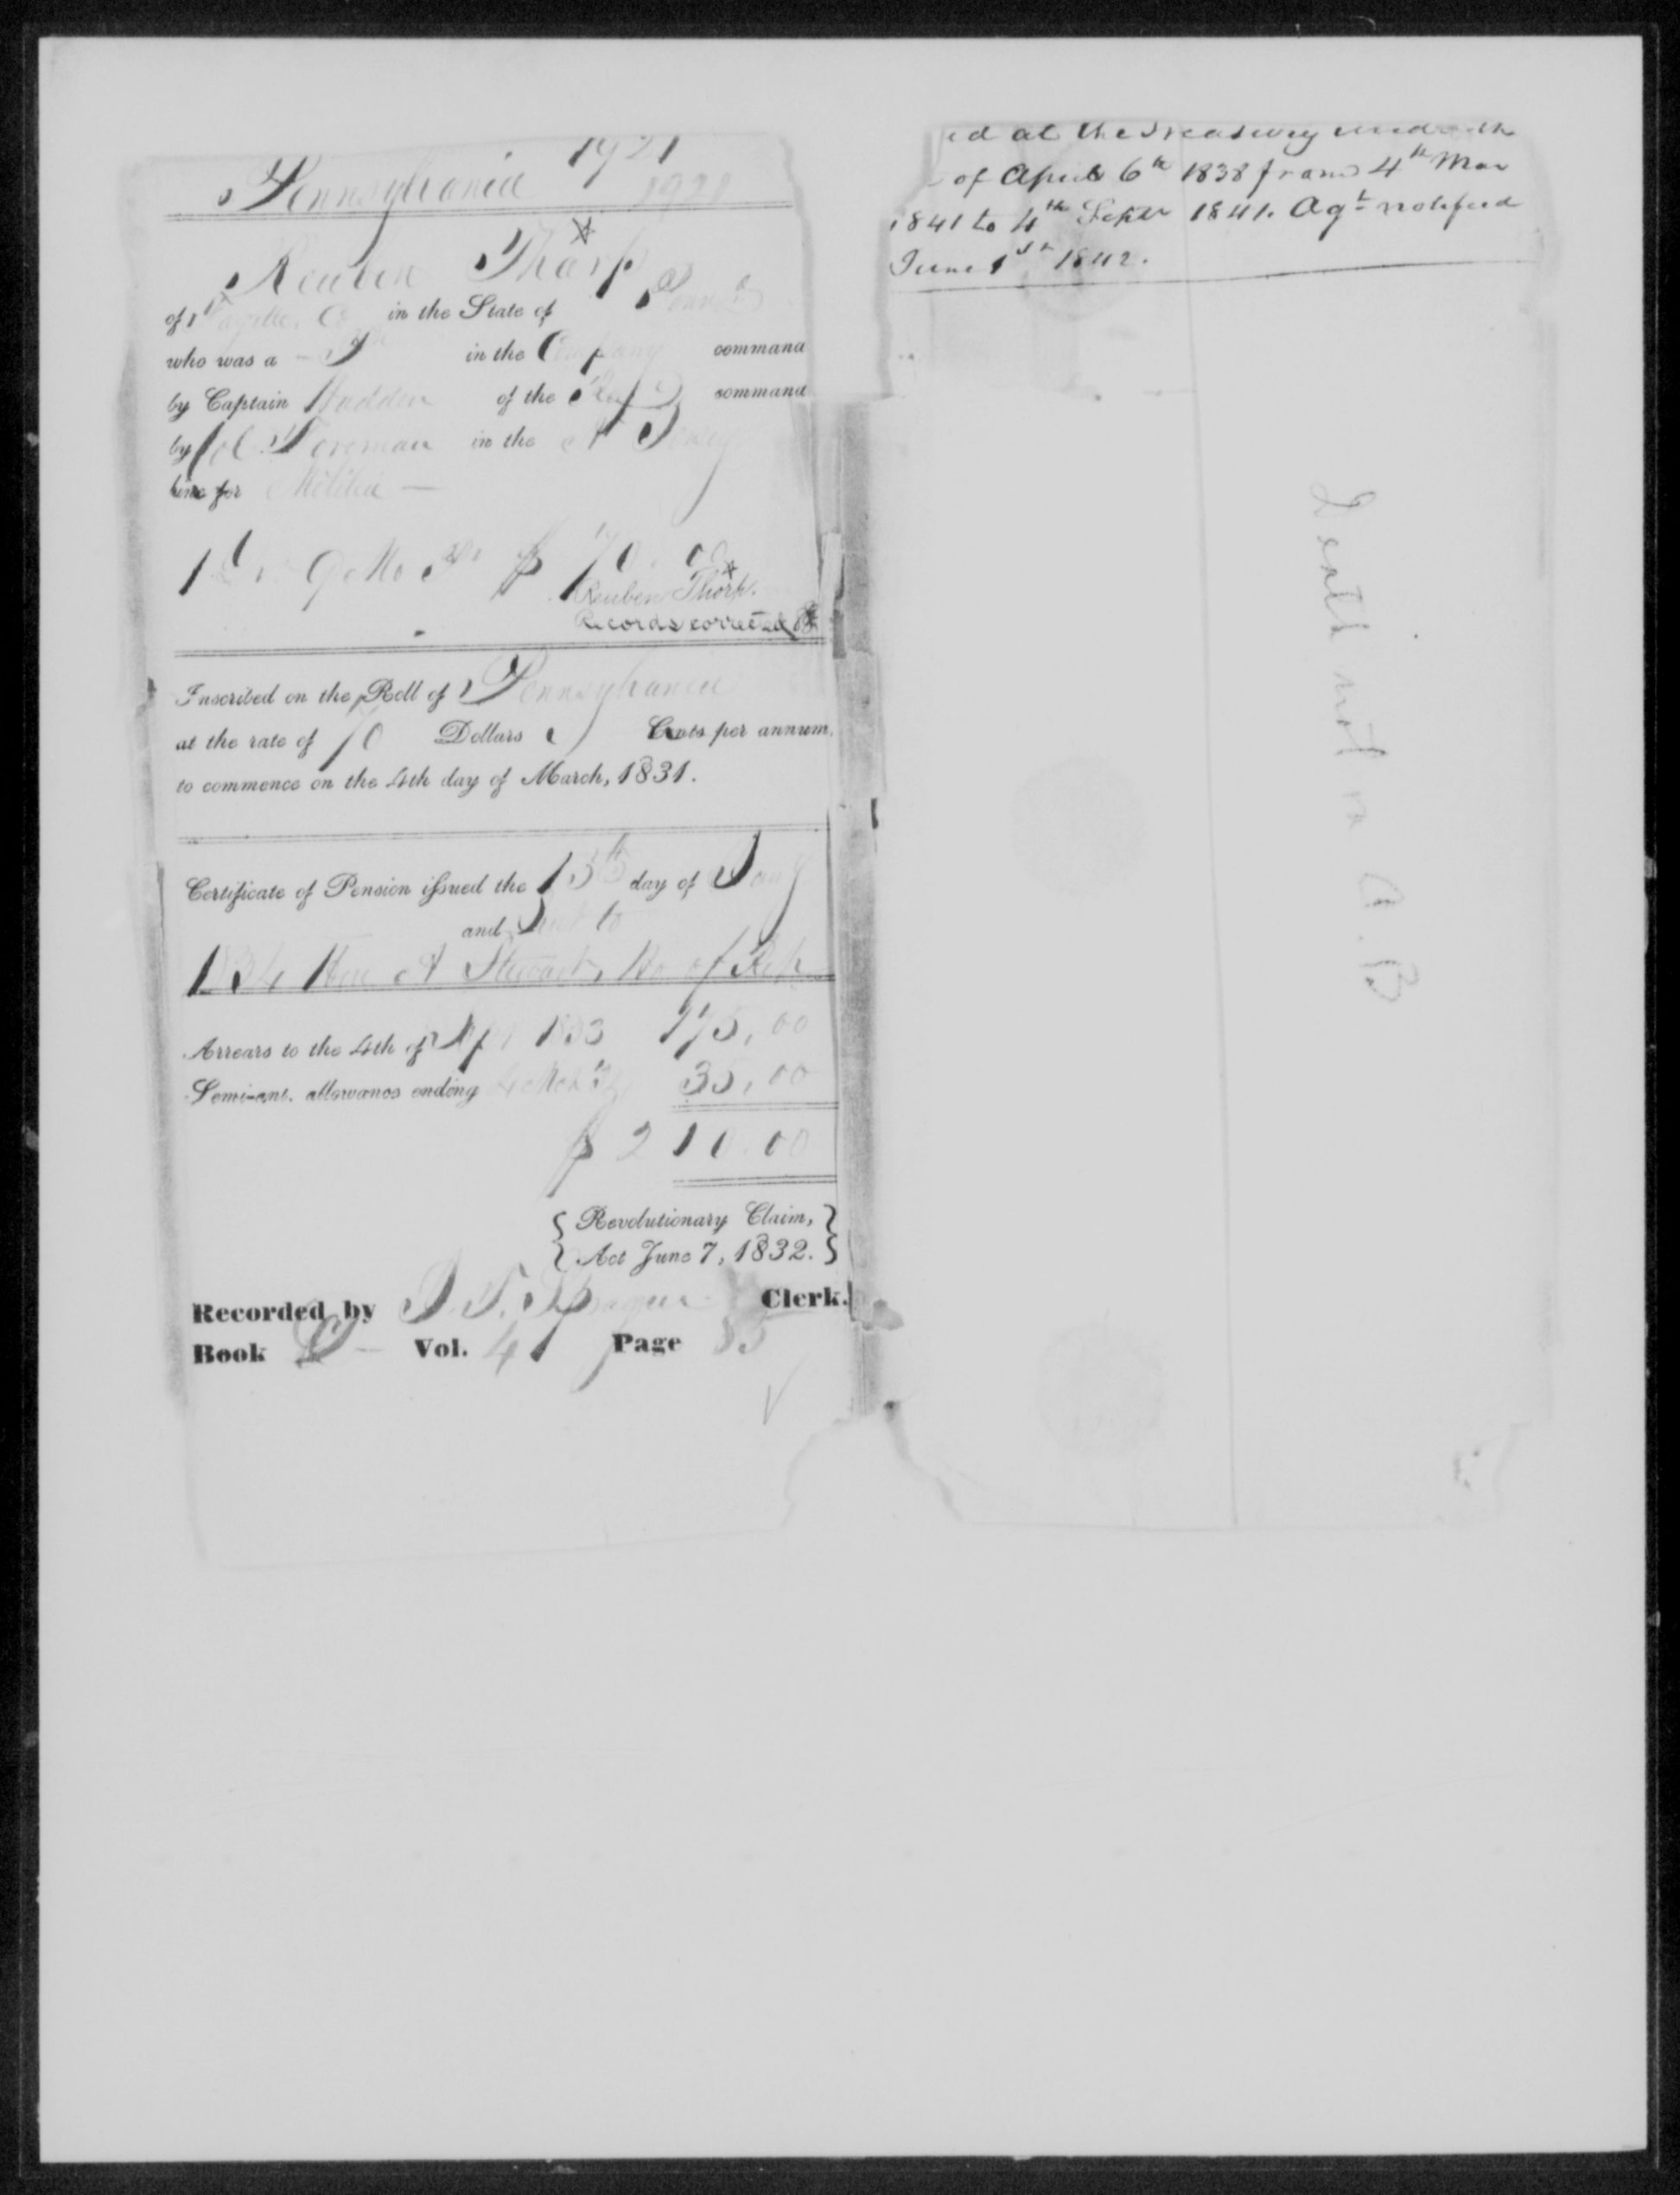Pennsylvania 1921
Reuben Tharp of Fayetteville Co in the state of Penn who was a [illegible] in the Company commanded by Captain Hadden of the [illegible] comand by [Illegible] Foreman in the New Jersey Line for Militia
[Illegible] $ 70.00

Reuben Thorp
Records corrected

Inscribed on the Roll of Pennsylvania at the rate of 70 Dollars [illegible] per annum to commence on the 4th day of March, 1832.

Certificate of Pension issued the 13th day of January and [illegible]

Arrears to the 4th of Sept 1833.        175.00
[illegible].                                                35.00
                                                             $ 210.00

Revolutionary Claim, Act June 7, 1832
Recorded by [illegible]  Clerk. [illegible]
Book D
Vol. 4 
Page 85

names: T T Sprague; A Stewart; Reuben Thorp; [BLANK] Hadden; [BLANK] Foreman; Reuben Thorp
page: 2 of 28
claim: survivor's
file: S. 6229, for Reuben Thorp, New Jersey